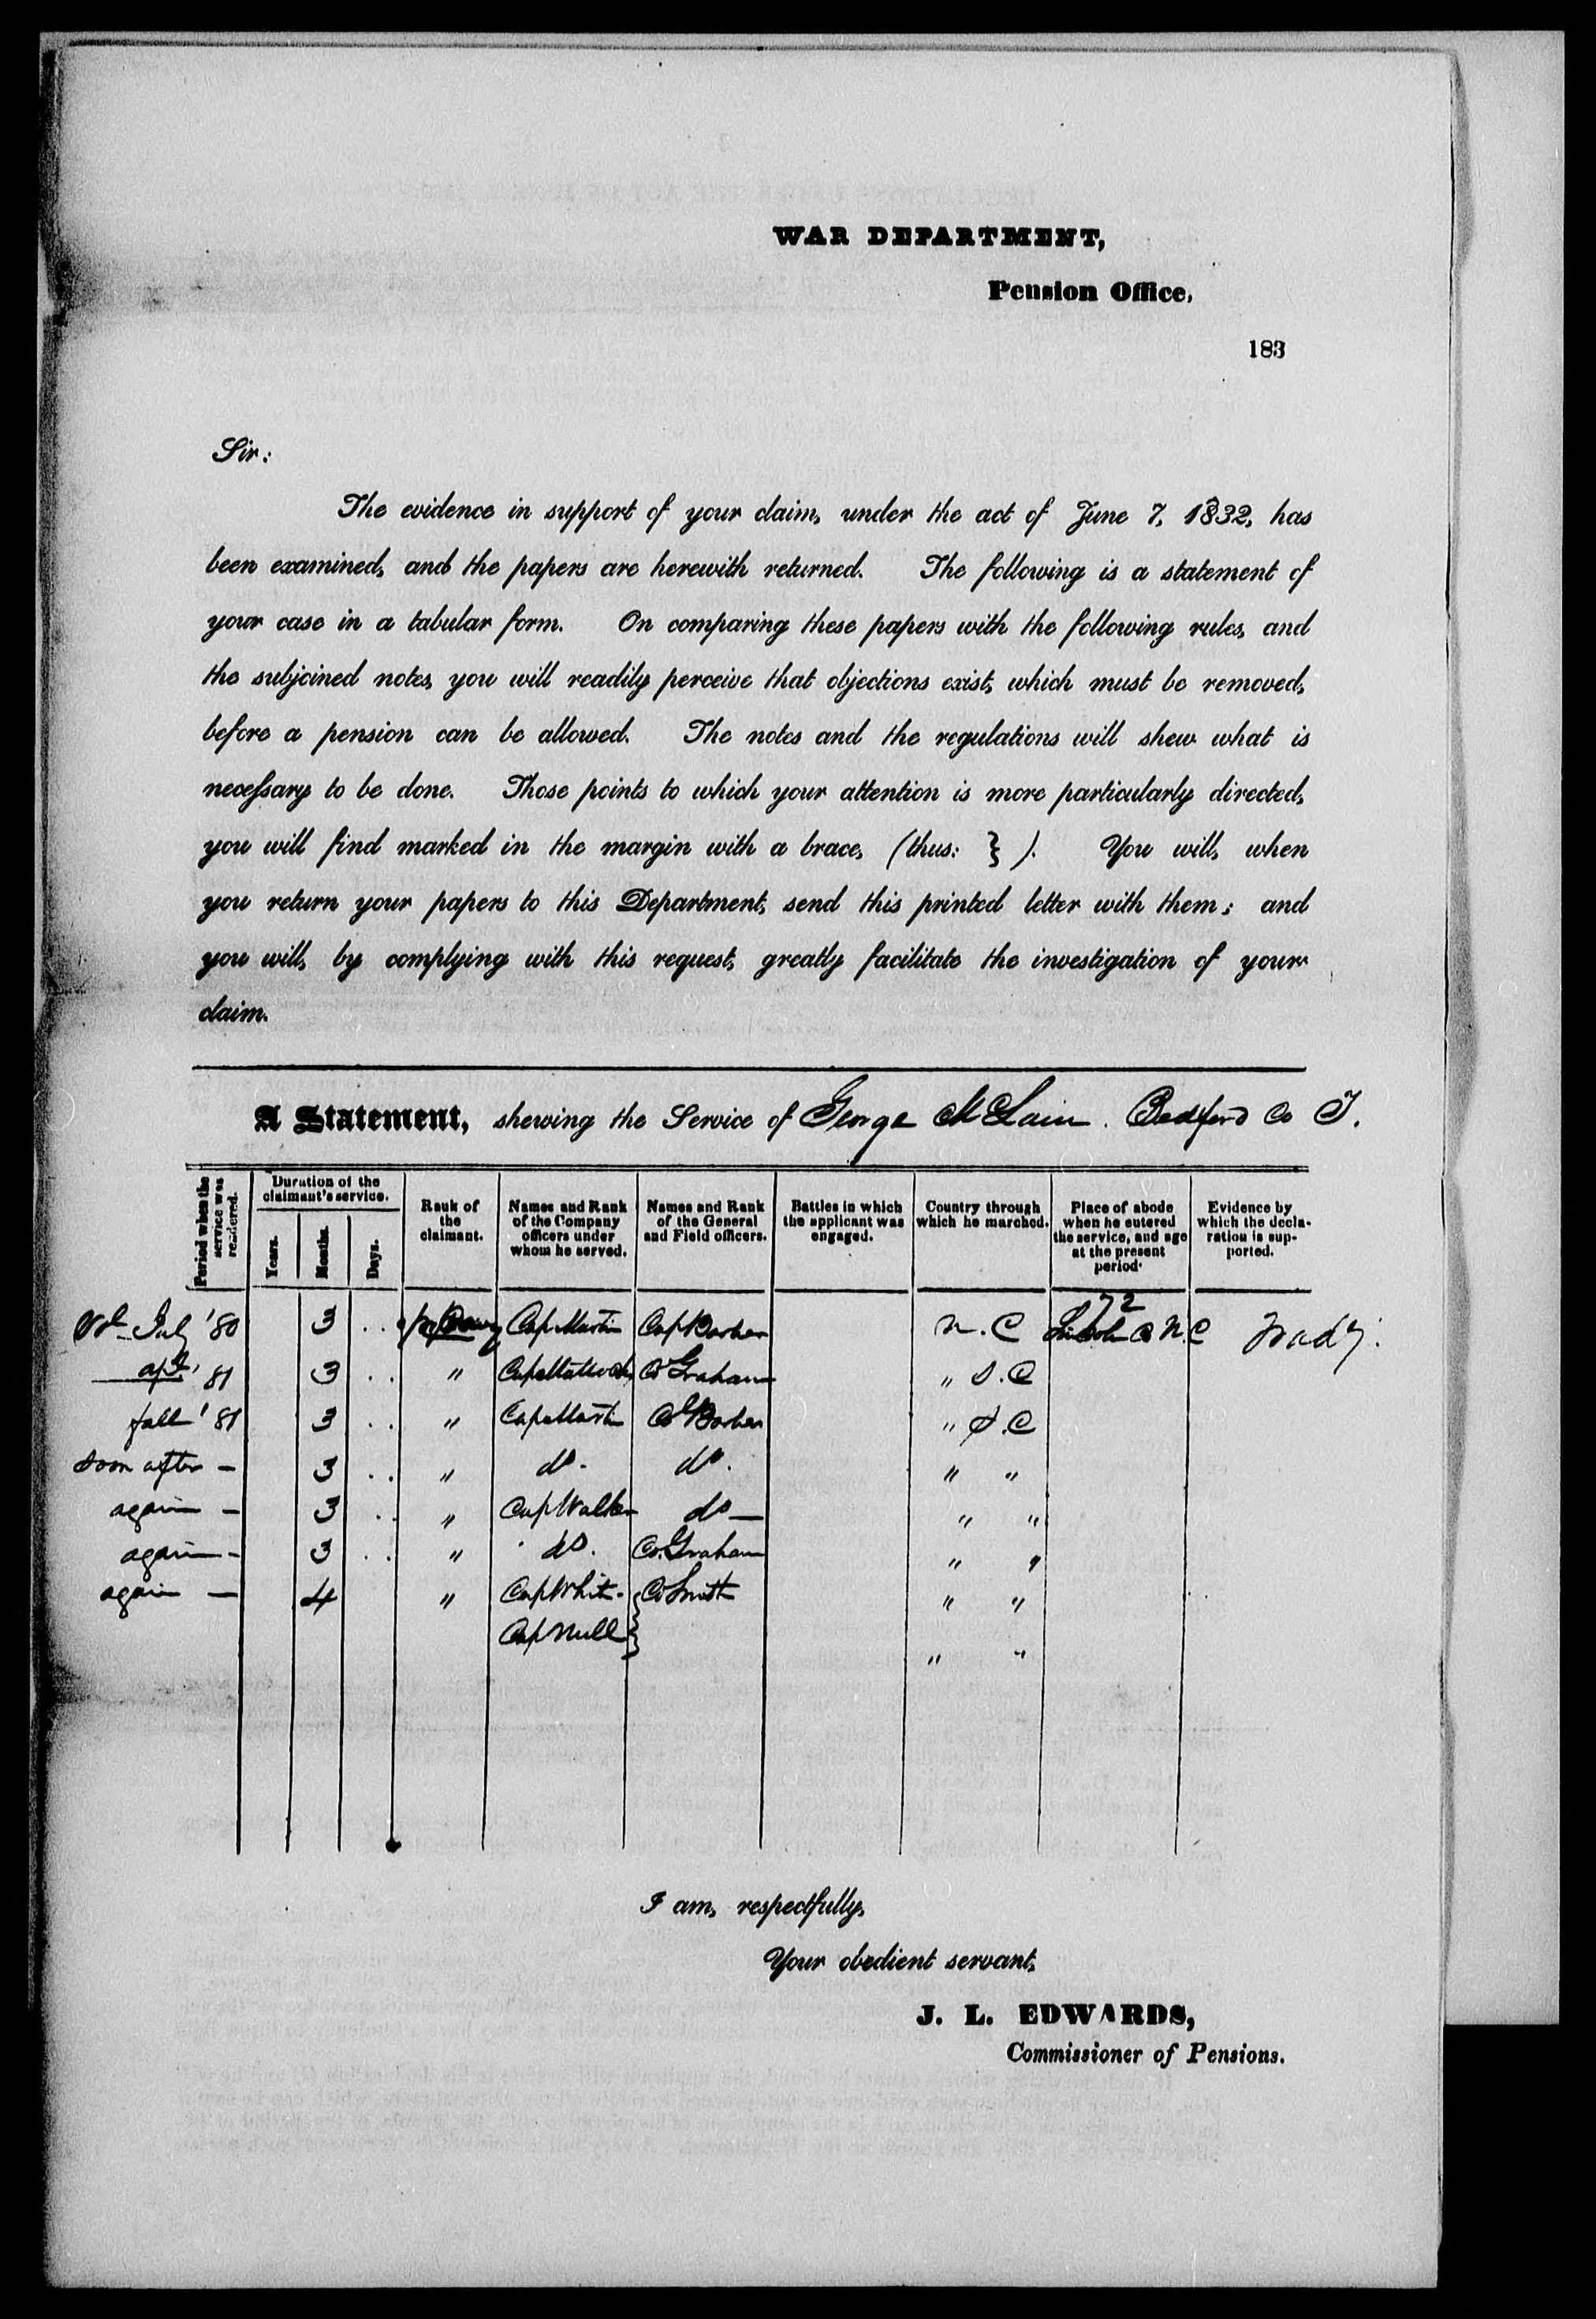[typed form, with handwritten responses]

WAR DEPARTMENT
PENSION OFFICE 183
Sir:
The evidence in support of your claim, under the act of June 7, 1832, has been examined, and the papers are herewith returned. The following is a statement of your case in a tabular form. On comparing these papers with the following rules and the subjoined notes you will readily perceive that objections exist, which must be removed, before a pension can be allowed. The notes and the regulations will show what is necessary to be done these points to which your attention is more particularly directed, you will find marked in the margin with a brace, (these:}). You will, when you return your papers to this Department, send this printed letter with them; and you will, by complying with this request, greatly facilitate the investigation of your claim.
A STATEMENT, showing the Service of George McLain, Bedford Co. T.

[column headings: Period when the service rendered. Duration of the claimant’s service. Years. Months. Days. Rank of the claimant. Names and Rank of the Company officers under whom he served. Names and Rank of the General and Field officers. Battles in which the applicant was engaged. Country through which he marched. Place of abode when he entered the service, and age at the present period. Evidence by which the declaration is supported.]  
Vol Jul ’80 3 [months] pr calvy [private cavalry] Capt. Martin Capt. Barker N. C. Lincoln NC 72 [years old] Trady [traditionary evidence]
- Apl. ’81 3 [months] “ [private cavalry] Capt. Matlock Col. Graham “ [N.C.] S.C.
fall ’81 3 [months] “ Capt. Martin Col Barber “ “
Soon after - 3 [months] “ Do. Do. 
again – 3 [months] “ Capt. Walker do -
again - 3 [months] “ do. Col Graham
again - 4 [months] “ Capt. Whit. Cap Null Col Smith

I am, respectfully,
Your obedient servant,
J. L. EDWARDS,
Commissioner of Pensions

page: 19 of 67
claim: widow's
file: W. 21793, for George Mc Lain, North Carolina